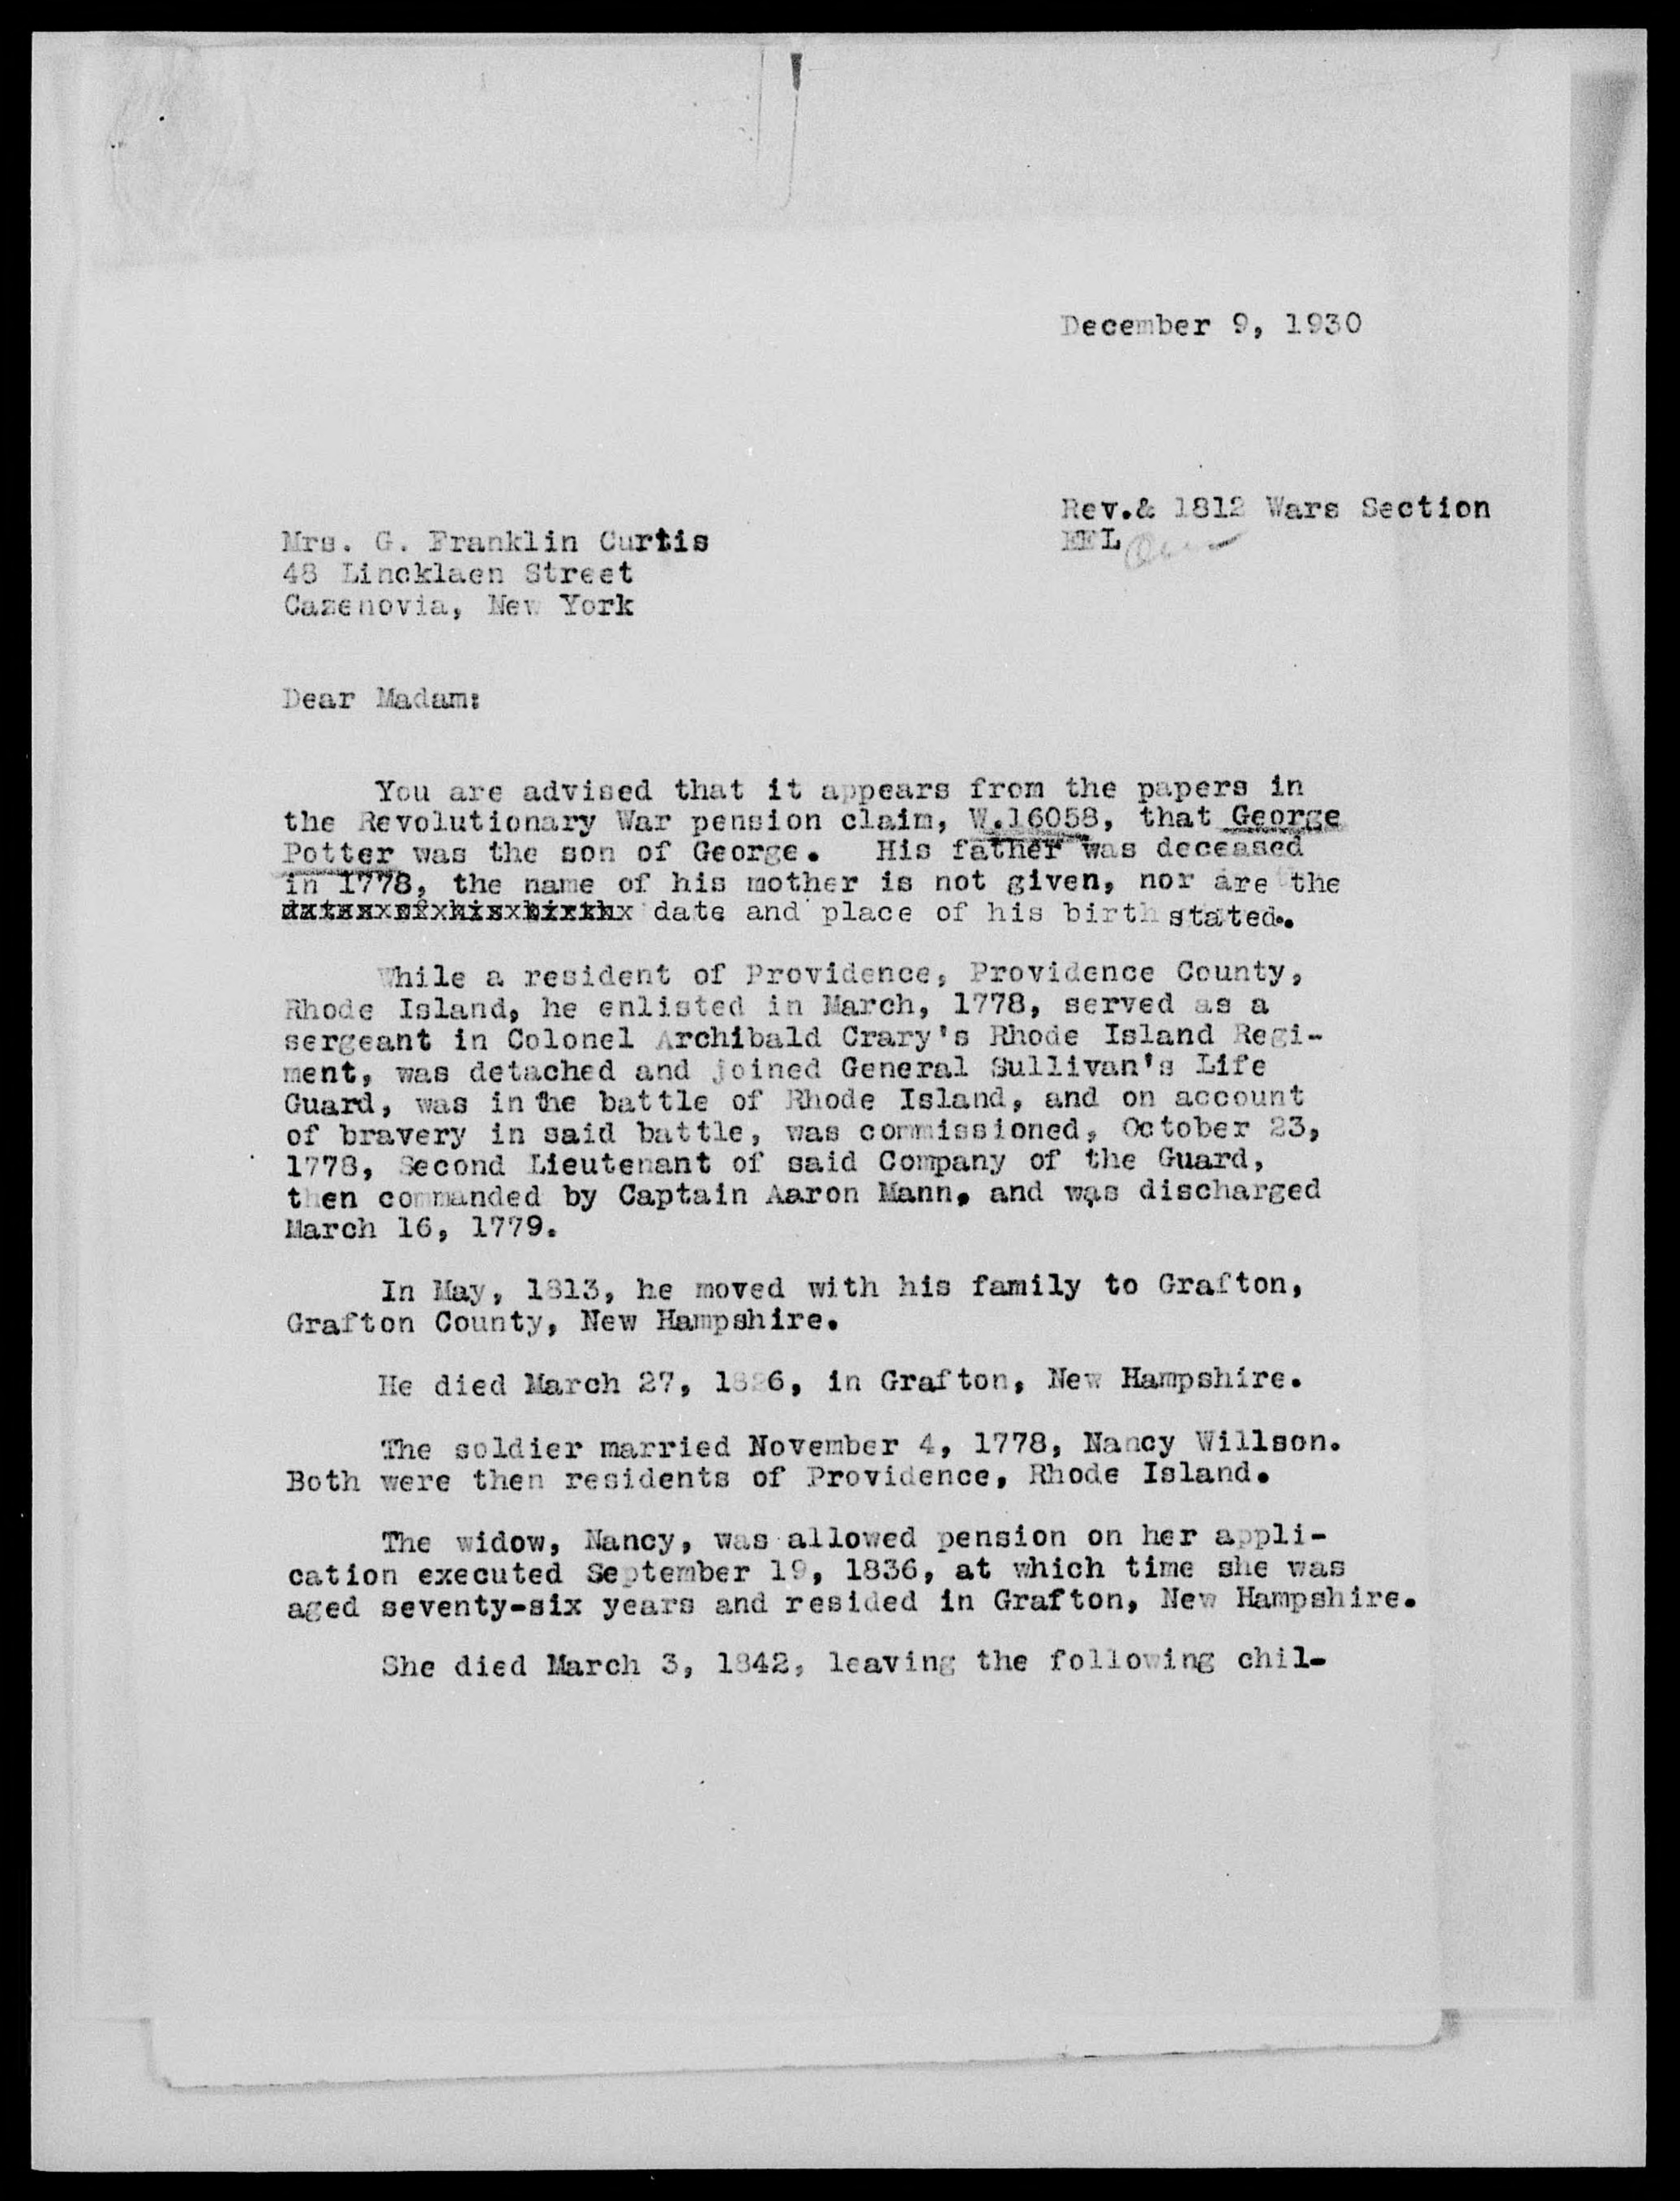December 9, 1930

Mrs. G. Franklin Curtis
48 Lincklaen Street
Cazenovia, New York

Rev. & 1812 Wars Section
EEL

Dear Madam:

You are advised that it appears from the papers in the Revolutionary War pension claim, W.16058, that George Potter was the son of George. His father was deceased in 1778, the name of his mother is not given, nor are the date and place of his birth stated.
While a resident of Providence, Providence County, Rhode Island, he enlisted in March, 1778, served as a sergeant in Colonel Archibald Crary's Rhode Island Regiment, was detached and joined General Sullivan's Life
Guard, was in the battle of Rhode Island, and on account of bravery in said battle, was commissioned, October 23, 1778, Second Lieutenant of said Company of the Guard, then commanded by Captain Aaron Mann, and was discharged March 16, 1779.
  In May, 1813, he moved with his family to Grafton, Grafton County, New Hampshire.
  He died March 27, 1836, in Grafton, New Hampshire.
  The soldier married November 4, 1778, Nancy Willson. Both were then residents of Providence, Rhode Island.
  The widow, Nancy, was allowed pension on her application executed September 19, 1836, at which time she was aged seventy-six years and resided in Grafton, New Hampshire.
  She died March 3, 1842, leaving the following chil-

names: [BLANK] Sullivan; George Potter; Nancy Willson; G Franklin Curtis; Aaron Mann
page: 11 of 40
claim: widow's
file: W. 16058, for George Potter, Rhode Island